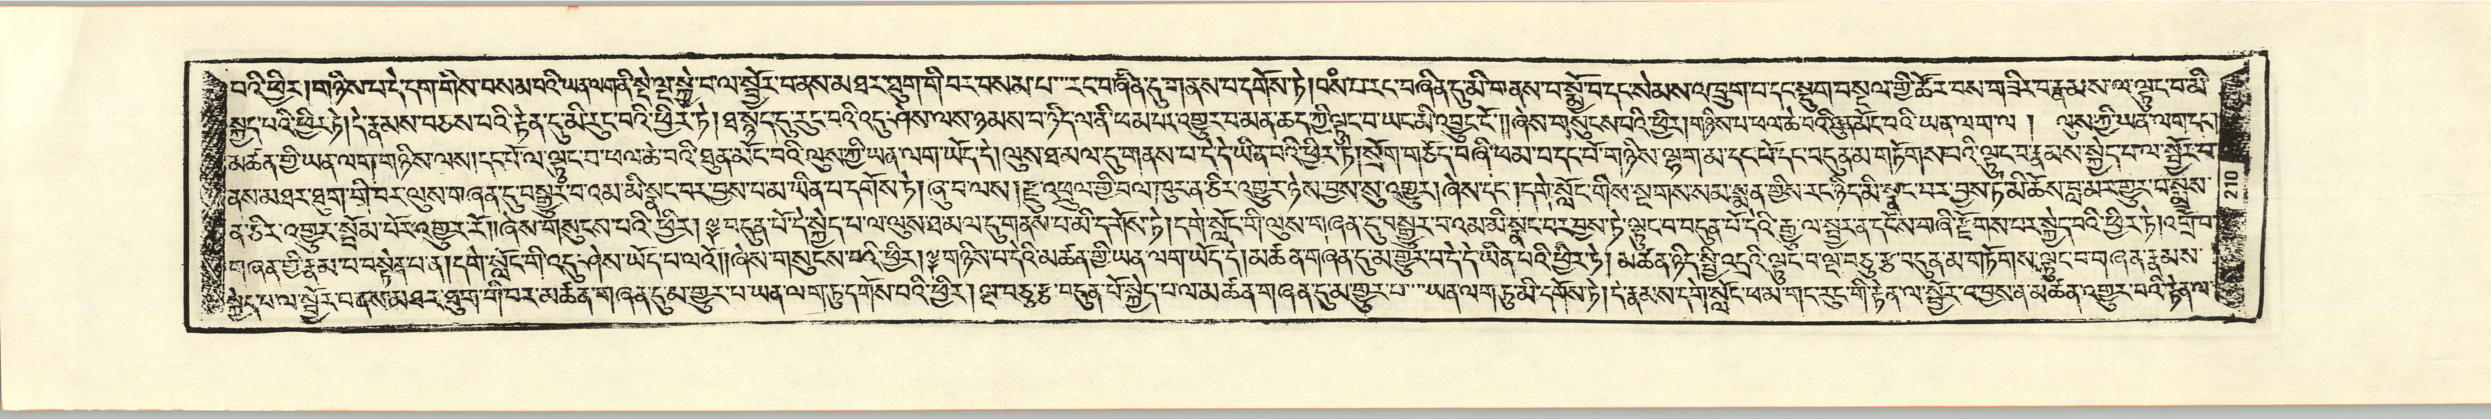བའི་ཕྱིར། གཉིས་པ་དེ་དག་གིས་བསམ་པའི་ཡན་ལག་ནི་སྡེ་ལྔ་སྐྱེ་བ་ལ་སྦྱོར་བ་ནས་མཐར་ཐུག་གི་བར་བསམ་པ་རང་བཞིན་དུ་གནས་པ་དགོས་ཏེ། བསམ་པ་རང་བཞིན་དུ་མི་གནས་པ་སྨྱོ་བ་དང་སེམས་འཁྲུག་པ་དང་སྡུག་བསྔལ་གྱི་ཚོར་བས་གཟིར་བ་རྣམས་ལ་ལྟུང་བ་མི་
སྐྱད་པའི་ཕྱིར་ཏེ། དེ་རྣམས་བཅས་པའི་རྟེན་དུ་མི་རུང་བའི་ཕྱིར་ཏེ། ཐ་སྙད་དུ་རུང་བའི་འདུ་ཤེས་ལས་ཉམས་པ་ཉིད་ལ་ནི་ཕམ་པར་འགྱུར་བ་མན་ཆད་ཀྱི་ལྟུང་བ་ཡང་མི་འབྱུང་ངོ། །ཞེས་གསུངས་པའི་ཕྱིར། གཉིས་པ་ཕལ་ཆེ་བའི་ཐུན་མོང་བའི་ཡན་ལག་ལ། ལུས་ཀྱི་ཡན་ལག་དང་
མཚན་གྱི་ཡན་ལག་གཉིས་ལས། དང་པོ་ལ་ལྟུང་བ་ཕལ་ཆེ་བི་ཐུན་མོང་བའི་ལུས་ཀྱི་ཡན་ལག་ཡོད་དེ། ལུས་ཐ་མལ་དུ་གནས་པ་དེ་དེ་ཡིན་པའི་ཕྱིར་ཏེ། སྲོག་གཅོད་བཞི་ཕམ་པ་དང་པོ་གཉིས་ལྷ་མ་དང་པོ་དང་བདུན་མ་གཏོགས་པའི་ལྟུང་བ་རྣམས་སྐྱེད་པ་ལ་སྦྱོར་བ་
ནས་མཐར་ཐུག་གི་བར་ལུས་གཞན་དུ་བསྒྱུར་བ་འམ་མི་སྣང་བར་བྱས་པ་མ་ཡིན་པ་དགོས་ཏེ། ཞུ་བ་ལས། རྫུ་འཕྲུལ་གྱི་བལ་ཁུར་ན་ཅིར་འགྱུར་ཉེས་བྱས་སུ་འགྱུར། ཞེས་དང་། དགེ་སློང་གིས་སྔགས་སམ་སྨན་གྱིས་རང་ཉིད་མི་སྣང་བར་བྱས་ཏེ་མི་ཆོས་བླ་མར་གྱུར་བ་སྨྲས་
ན་ཅིར་འགྱུར་སྦོམ་པོར་གྱུར་རོཀ་།ཞེས་གསུངས་པའི་ཕྱིར། ༈ བདུན་པོ་དེ་སྐྱེད་པ་ལ་ལུས་ཐ་མལ་དུ་གནས་པ་མིད་གོས་ཏེ། དགེ་སློང་གི་ལུས་གཞན་དུ་བསྒྱུར་བ་འམ་མི་སྣང་བར་བྱས་ཏེ་ལྟུང་བ་བདུན་པོ་དེའི་རྒྱུ་ལ་སྦྱར་ན་དངོས་གཞི་རྫོགས་པར་སྐྱེད་པའི་ཕྱིར་ཏེ། འགྲོ་བ་
གཞན་གྱི་རྣམ་པ་བསྟེན་པ་ན། དགེ་སློང་གི་འདུ་ཤེས་ཡོད་པ་ལའོ། །ཞེས་གསུངས་པའི་ཕྱིར། ༈ གཉིས་པ་དེའི་མཚན་གྱི་ཡན་ལག་ཡོད་དེ། མཚན་གཞན་དུ་མ་གྱུར་བ་དེ་དེ་ཡིན་པའི་ཕྱིར་ཏེ། མཚན་ཉིད་སྤྱི་འདྲའི་ལྟུང་བ་ལྔ་བཅུ་རྩ་བདུན་མ་གཏོགས་ལྟུང་བ་གཞན་རྣམས་
སྐྱེད་པ་ལ་སྦྱོར་བ་ནས་མཐར་ཐུག་གི་བར་མཚན་གཞན་དུ་མ་གྱུར་པ་ཡན་ལག་ཏུ་དགོས་པའི་ཕྱིར། ལྔ་བཅུ་རྩ་བདུན་པོ་སྐྱེད་པ་ལ་མཚན་གཞན་དུ་མ་གྱུར་པ་ཡན་ལག་ཏུ་མི་དགོས་ཏེ། དེ་རྣམས་ཨིདགེ་སློང་ཕ་མ་གང་རུང་གི་རྟེན་ལ་སྦྱོར་བ་བྱས་ན་མཚན་འགྱུར་བའི་རྟེན་ལ་